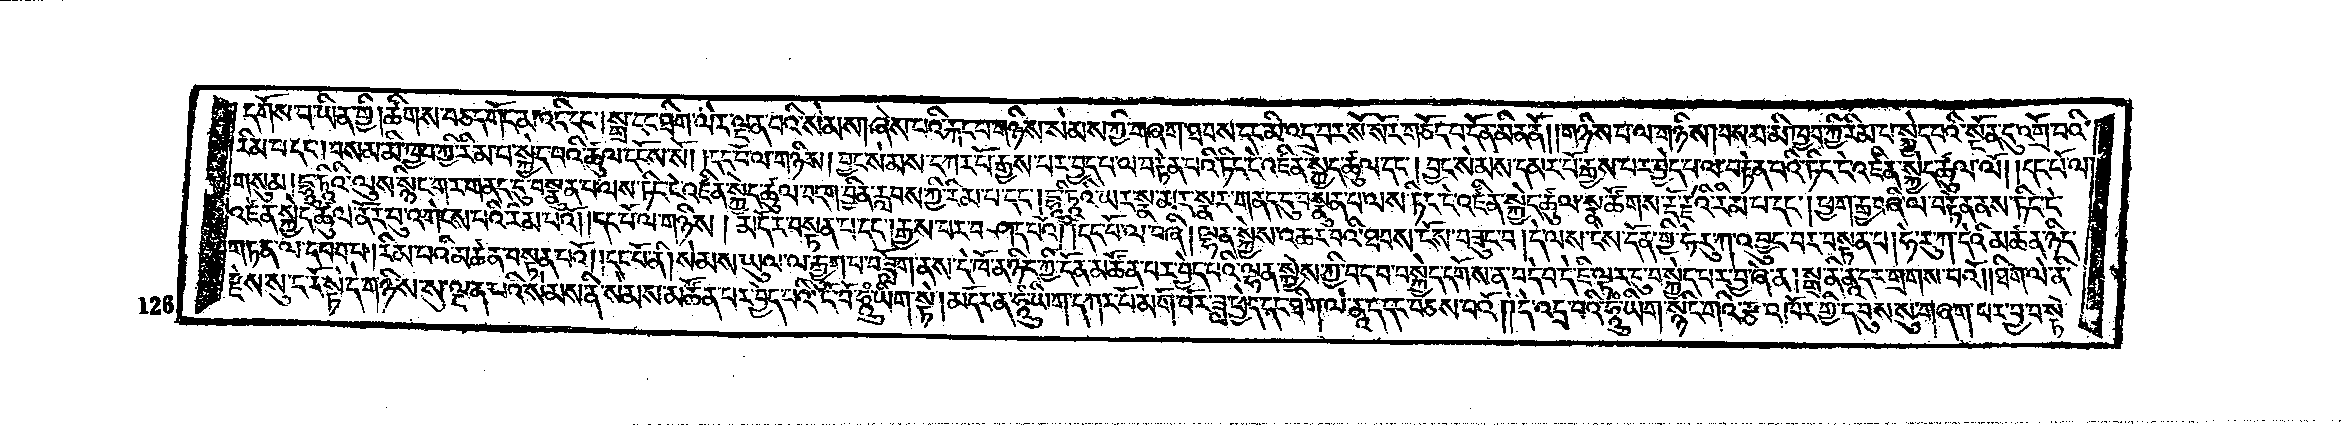དགོས་པ་ཡིན་གྱི། ཚིགས་བཅད་གོང་མ་འདི་དང་། སྒྲ་དང་ཐིག་ལེར་ལྡན་པའི་སེམས། ཞས་པའི་རྐང་པ་གཉིས་སེམས་ཀྱི་གཞག་ཐབས་དང་མི་འདྲ་བར་སོ་སོར་གཅོད་པ་དོན་མིན་ནོ། །གཉིས་པ་ལ་གཉིས། བསམ་མི་ཁྱབ་ཀྱི་རིམ་པ་སྐྱེད་པའི་སྔོན་དུ་འགྲོ་བའི་
རིམ་པ་དང་། བསམ་མི་ཁྱབ་ཀྱི་རིམ་པ་སྐྱེད་བའི་ཚུལ་དངོས་སོ། །དང་པོ་ལ་གཉིས། བྱང་སེམས་དཀར་པོ་རྒྱས་པར་བྱད་པ་ལ་བརྟེན་པའི་ཏིང་ངེ་འཛིན་སྐྱེད་ཚུལ་དང་། བྱང་སེམས་དམར་པོ་རྒྱས་པར་བྱེད་པ་ལ་བརྟེན་པའི་ཏིང་ངེ་འཛིན་སྐྱེད་ཚུལ་ལོ། །དང་པོ་ལ་
གསུམ། དྷཱུ་ཏཱིའི་ལུས་སྙིང་གར་གནད་དུ་བསྣུན་པ་ལས་ཏིང་ངེ་འཛིན་སྐྱེད་ཚུལ་བདག་བྱིན་རླབས་ཀྱི་རིམ་པ་དང་། དྷཱུ་ཏཱིའི་ཡར་སྣ་མར་སྣར་གནད་དུ་བསྣུན་པ་ལས་ཏིང་ངེ་འཛིན་སྐྱེད་ཚུལ་སྣ་ཚོགས་རྡོ་རྗེའི་རིམ་པ་དང་། ཕྱག་རྒྱ་བཞི་ལ་བརྟེན་ནས་ཏིང་ངེ་
འཛིན་སྐྱེད་ཚུལ་ནོར་བུ་འགེངས་པའི་རིམ་པའོ། །དང་པོ་ལ་གཉིས་།མདོར་བསྟན་པ་དང་། རྒྱས་པར་བཤད་པའོ། །དང་པོ་ལ་བཞི། ལྷན་སྐྱེས་འཆར་བའི་ཐབས་ངོས་བཟུང་བ། དེ་ལས་ངེས་དོན་གྱི་ཧེ་རུ་ཀ་འབྱུང་བར་བསྟན་པ། ཧེ་རུ་ཀ་དེའི་མཚན་ཉིད་
གཏན་ལ་དབབ་པ། རིམ་པའི་མཚན་བསྟན་པའོ། །དང་པོ་ནི། སེམས་ཡུལ་ལ་རྒྱུག་པ་བཟློག་ནས་དེ་ཁོ་ན་ཉིད་ཀྱི་དོན་མཚོན་པར་བྱེད་པའི་ལྷན་སྐྱེས་ཀྱི་བདེ་བ་བསྐྱེད་དགོས་ན་བདེ་བ་དེ་ཇི་ལྟར་དུ་བསྐྱེད་པར་བྱ་ཞེ་ན། སྒྲ་ནི་ནཱ་དར་གྲགས་པའོ། །ཐིག་ལེ་ནི་
རྗེས་སུ་ང་རོ་སྟེ་དེ་གཉིས་སུ་ལྡན་པའི་སེམས་ནི་སེམས་མཚོན་པར་བྱེད་པའི་ངོ་བོ་ཧཱུཾ་ཡིག་སྟེ། མདོར་ན་ཧཱུཾ་ཡིག་དཀར་པོ་མགོ་བོར་ཟླ་ཕྱེད་དང་ཐིག་ལེ་ནཱ་ད་དང་བཅས་པའོ། །དེ་འདྲ་བའི་ཧཱུཾ་ཡིག་སྙིང་གའི་རྩ་འཁོར་གྱི་དབུས་སུ་གཞག་པར་བྱ་བ་སྟེ་